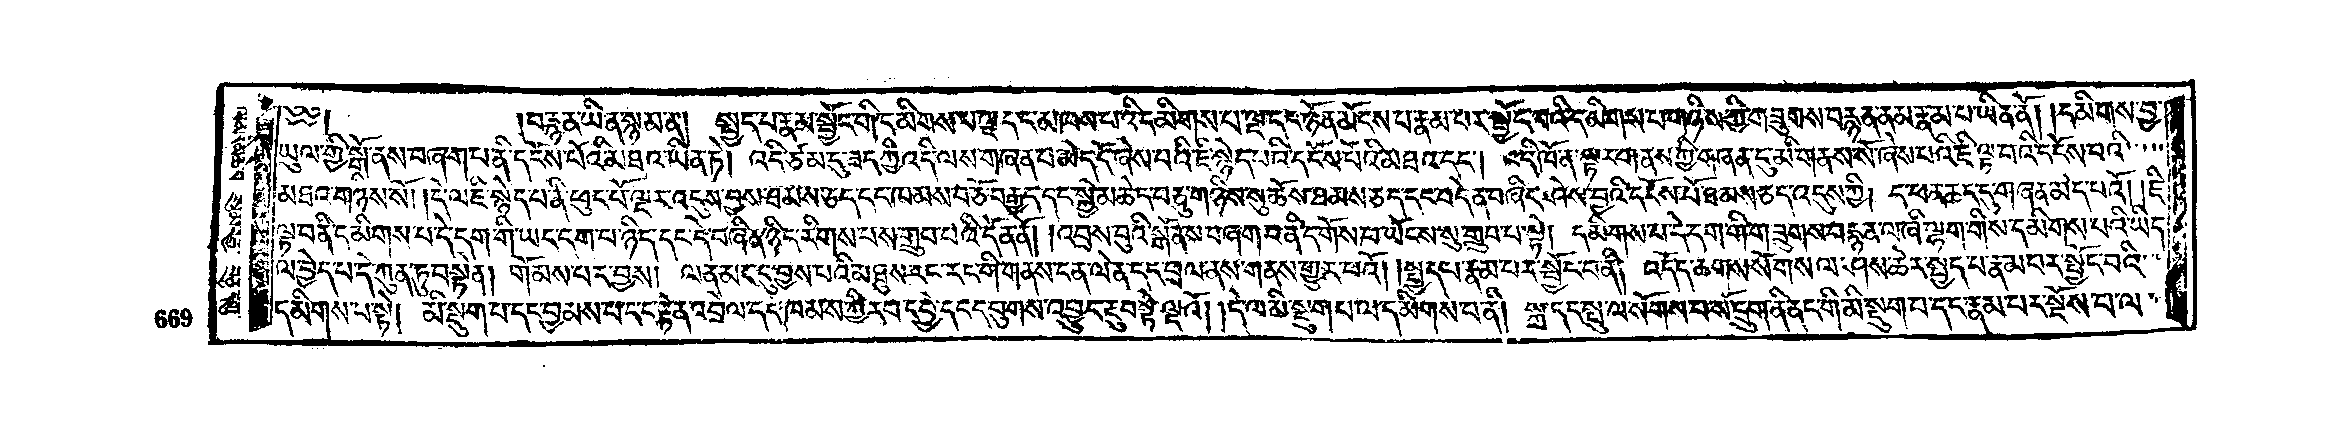༄༅། །བརྙན་ཡིན་སྙམ་ན། སྤྱད་པ་རྣམ་སྦྱོང་གི་དམིགས་པ་ལྔ་དང་མཁས་པའི་དམིགས་པ་ལྔ་དང་ཉོན་མོངས་པ་རྣམ་པར་སྦྱོང་བའི་དམིགས་པ་གཉིས་ཀྱི་གཟུགས་བརྙན་ནམ་རྣམ་པ་ཡིན་ནོ། །དམིགས་བྱ་
ཡུལ་གྱི་སྒོ་ནས་བཞག་པ་ནི་དངོས་པོའི་མཐའ་ཡིན་ཏེ། འདི་ཙམ་དུ་ཟད་ཀྱི་འདི་ལས་གཞན་པ་མེད་དོ་ཞེས་པའི་ཇི་སྙེད་པའི་དངོས་པོའི་མཐའ་དང་། འདི་ཁོ་ན་ལྟར་གནས་ཀྱི་གཞན་དུ་མི་གནས་སོ་ཞེས་པའི་ཇི་ལྟ་བའི་དངོས་པོའི་
མཐའ་གཉིས་སོ། །དེ་ལ་ཇི་སྙེད་པ་ནི་ཕུང་པོ་ལྔར་འདུས་བྱས་ཐམས་ཅད་དང་ཁམས་བཅོ་བརྒྱད་དང་སྐྱེ་མཆེད་བཅུ་གཉིས་སུ་ཆོས་ཐམས་ཅད་དང་བདེན་བཞིར་ཤེས་བྱའི་དངོས་པོ་ཐམས་ཅད་འདུས་ཀྱི། དེ་ཕན་ཆད་དུ་གཞན་མེད་པའོ། །ཇི་
ལྟ་བ་ནི་དམིགས་པ་དེ་དག་གི་ཡང་དག་པ་ཉིད་དང་དེ་བཞིན་ཉིད་རིགས་པས་གྲུབ་པའི་དོན་ནོ། །འབྲས་བུའི་སྒོ་ནས་བཞག་པ་ནི་དགོས་པ་ཡོངས་སུ་གྲུབ་པ་སྟེ། དམིགས་པ་དེ་དག་གི་གཟུགས་བརྙན་ལ་ཞི་ལྷག་གིས་དམིགས་པའི་ཡིད་
ལ་བྱེད་པ་དེ་ཀུན་ཏུ་བསྟེན། གོམས་པར་བྱས། ལན་མང་དུ་བྱས་པའི་མཐུས་རང་རང་གི་གནས་ངན་ལེན་དང་བྲལ་ནས་གནས་གྱུར་པའོ། །སྤྱད་པ་རྣམ་པར་སྦྱོང་བ་ནི། འདོད་ཆགས་སོགས་ལ་ཤས་ཆེར་སྤྱད་པ་རྣམ་པར་སྦྱོང་བའི་
དམིགས་པ་སྟེ། མི་སྡུག་པ་དང་བྱམས་པ་དང་རྟེན་འབྲེལ་དང་ཁམས་ཀྱི་རབ་དབྱེ་དང་དབུགས་འབྱུང་རྔུབ་?་སྟེ་ལྔའོ། །དེ་ལ་མི་སྡུག་པ་ལ་དམིགས་པ་ནི། སྐྲ་དང་སྤུ་ལ་སོགས་པ་སོ་དྲུག་ནི་ནང་གི་མི་སྡུག་པ་དང་རྣམ་པར་སྔོས་པ་ལ་